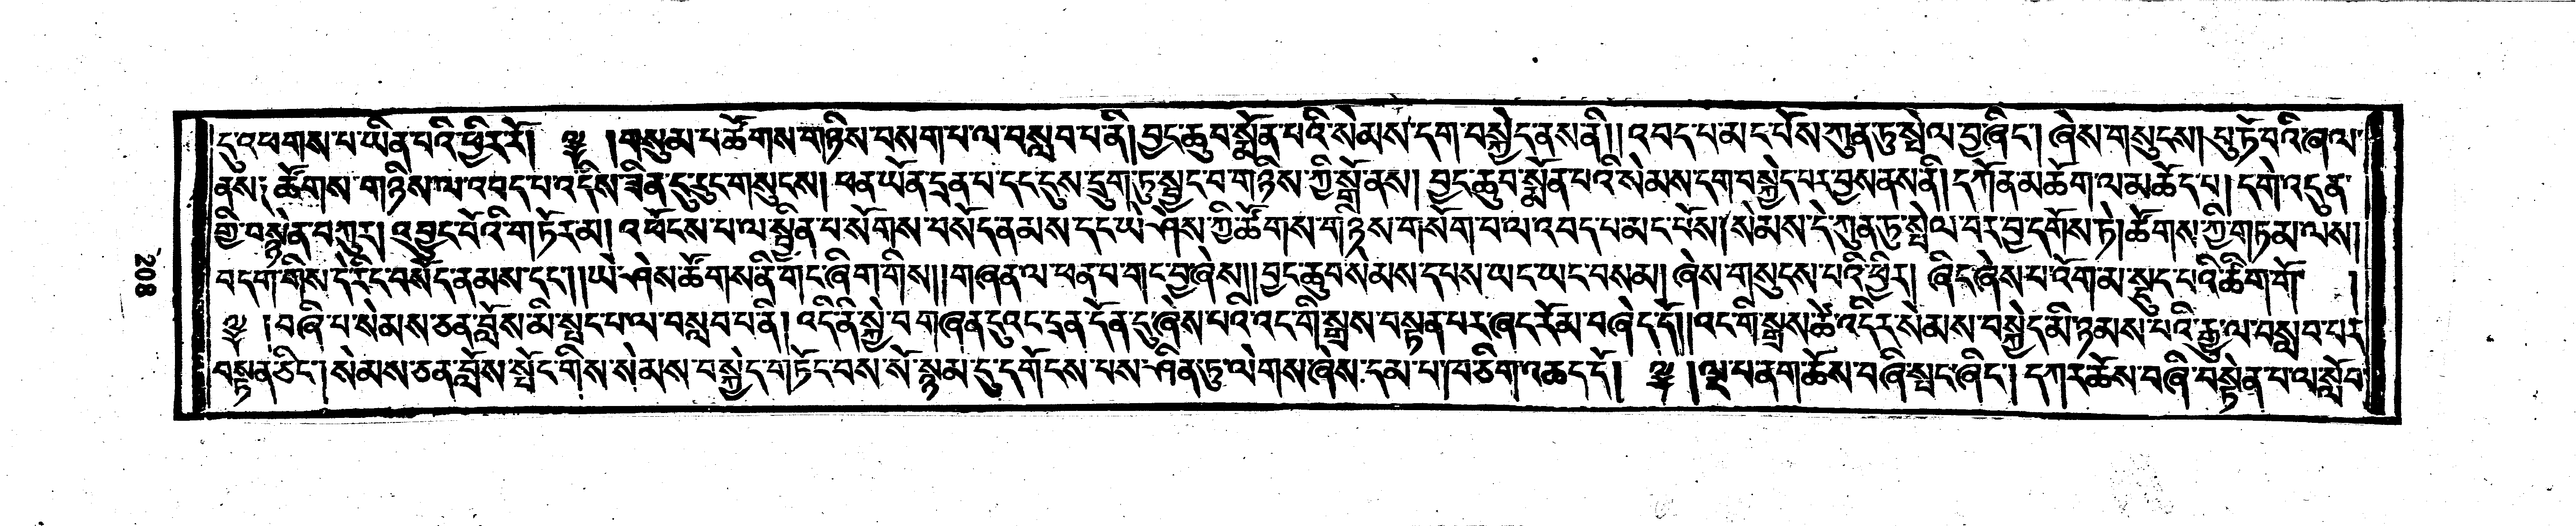དུ་འཕགས་པ་ཡིན་པའི་ཕྱིར་རོ། ༈ །གསུམ་པ་ཚོགས་གཉིས་བསག་པ་ལ་བསླབ་པ་ནི། བྱང་ཆུབ་སྨོན་པའི་སེམས་དག་བསྐྱེད་ནས་ནི། །འབད་པ་མང་པོས་ཀུན་ཏུ་སྤེལ་བྱ་ཞིང་། ཞེས་གསུངས། པུ་ཏོ་བའི་ཞལ་
ནས། ཚོགས་གཉིས་ལ་འབད་པ་འདིས་ཟིན་དུ་རུང་གསུངས། ཕན་ཡོན་དྲན་པ་དང་དུས་དྲུག་ཏུ་སྦྱང་བ་གཉིས་ཀྱི་སྒོ་ནས། བྱང་ཆུབ་སྨོན་པའི་སེམས་དག་བསྐྱེད་པར་བྱས་ནས་ནི། དཀོན་མཆོག་ལ་མཆོད་པ། དགེ་འདུན་
གྱི་བསྙེན་བཀུར། འབྱུང་པོའི་གཏོར་མ། འཕོངས་པ་ལ་སྦྱིན་པ་སོགས་བསོད་ནམས་དང་ཡེ་ཤེས་ཀྱི་ཚོགས་གཉིས་གསོག་པ་ལ་འབད་པ་མང་པོས། སེམས་དེ་ཀུན་ཏུ་སྤེལ་བར་བྱ་དགོས་ཏེ། ཚོགས་ཀྱི་གཏམ་ལས།
བདག་གིས་དེ་རིང་བསོད་ནམས་དང་། །ཡེ་ཤེས་ཚོགས་ནི་གང་ཞིག་གིས། །གཞན་ལ་ཕན་པ་གང་བྱ་ཞེས། །བྱང་ཆུབ་སེམས་དཔས་ཡང་ཡང་བསམ། ཞེས་གསུངས་པའི་ཕྱིར། ཞིང་ཞེས་པ་འོག་མ་སྡུད་པའི་ཚིག་གོ །
༈ །བཞི་པ་སེམས་ཅན་བློས་མི་སྤང་པ་ལ་བསླབ་པ་ནི། འདི་ནི་སྐྱེ་བ་གཞན་དུའང་དྲན་དོན་དུ་ཞེས་པའི་འང་གི་སྒྲས་བསྟན་པར་ཞང་རོམ་བཞེད་དོ། །འང་གི་སྒྲས་ཚེ་འདིར་སེམས་བསྐྱེད་མི་ཉམས་པའི་རྒྱུ་ལ་བསླབ་པར་
བསྟན་ཅིང་། སེམས་ཅན་བློས་སྤོང་གིས་སེམས་བསྐྱེད་གཏོང་བས་སོ་སྙམ་དུ་དགོངས་པས་ཤིན་ཏུ་ལེགས་ཞེས་དམ་པ་ཁ་ཅིག་འཆད་དོ། ༈ །ལྔ་པ་ནག་ཆོས་བཞི་སྤང་ཞིང་། དཀར་ཆོས་བཞི་བསྟེན་པ་ལ་སློབ་